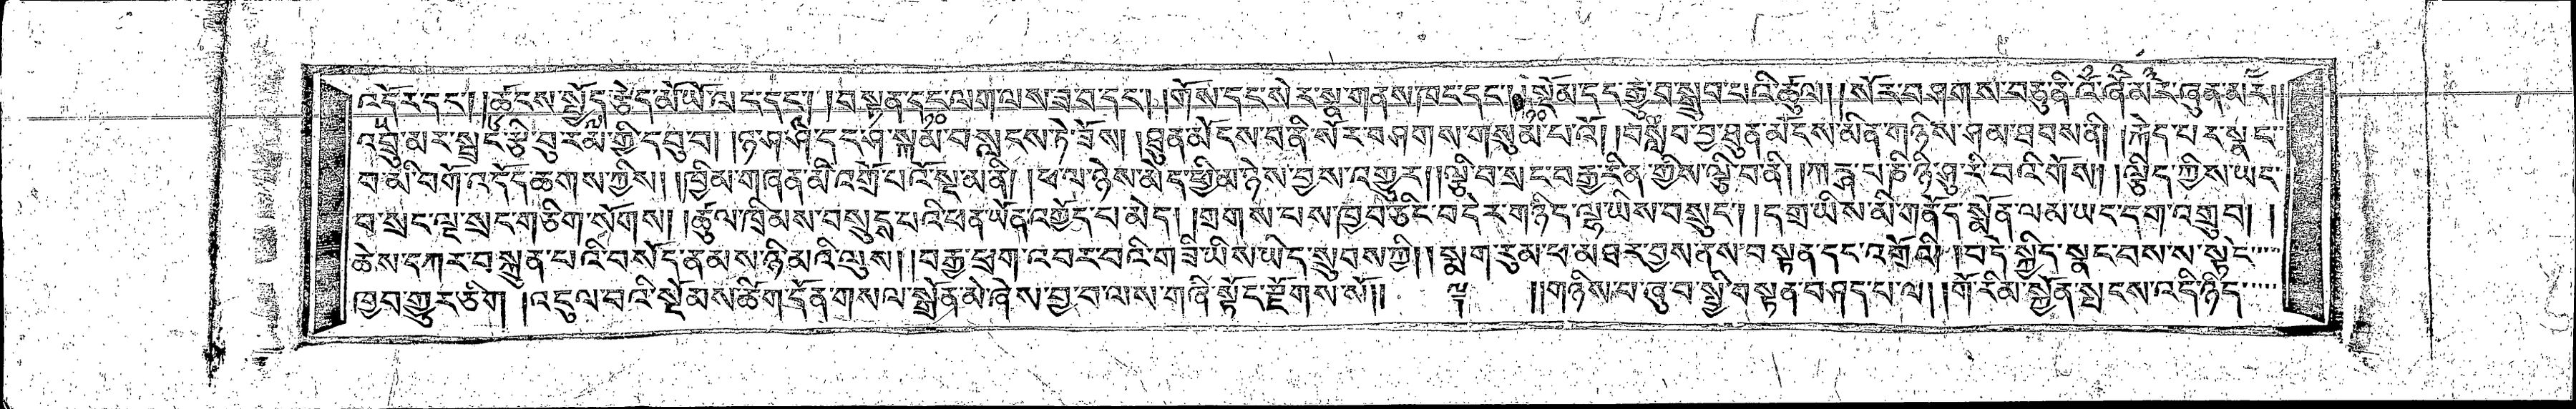འདོར་དང་། །ཚངས་སྤྱོད་རྩེད་མོ་ཡོ་ལང་དང་། །བསྟན་དང་ལག་ལས་ཟ་བ་དང་། །གོས་དང་སེར་སྣ་གནས་ཁང་དང་། །སྡོམ་དང་རྒྱུ་བ་སྒྲུབ་པའི་ཚུལ། །སོར་བཤགས་བཅུ་ནི་འོ ༡།ཞོ ༢་མར ༣་ཞུན་མར ༤། །
འབྲུ ༥་མར་སྦྲང ༦་རྩི་བུ་རམ ༧་གྱི་དབུ་བ། །ཉ་ཤ་ཤེ་དང་ཤ་སྐམ ༡༠་བསླངས་ཏེ་ཟོས། །ཐུན་མོངས་པ་ནི་སོར་བཤགས་གསུམ ༡༠་པའོ། །བསླབ་བྱ་ཐུན་མོངས་མིན་གཉིས་ཤམ་ཐབས་ནི། །རྐེད་པར་སྣང་
བ་མི་བགོ་འདོད་ཆགས་ཀྱིས། །ཁྱིམ་གཞན་མི་འགྲོ་པའོ་སྔ་མ་ནི། །ཕ་ལ་ཉེས་མེད་ཕྱི་མ་ཉེས་བྱས་འགྱུར། །ལྕི་བ་སྲང་བརྒྱ་རིན་གྱིས་ལྕི་བ་ནི། །ཀརཤ་པ་ཎི་ཉི་ཤུ་རི་བའི་གོས། །ལྕིད་ཀྱིས་ཡང་
བ་སྲང་ལྔ་སྲང་གཅིག་སོགས། །ཚུལ་ཁྲིམས་བསྲུངས་པའི་ཕན་ཡོན་འགྱོད་པ་མེད། །གྲགས་པས་ཁྱབ་ཅིང་བདེར་གཉིད་ལྷ་ཡིས་བསྲུང་། །དགྲ་ཡིས་མི་གནོད་སྨོན་ལམ་ཡང་དག་འགྲུབ། །
ཆེས་དཀར་བསྐྲུན་པའི་བསོད་ནམས་ཉི་མའི་ལུས། །བརྒྱ་ཕྲག་འབར་བའི་གཟི་ཡིས་ཡིད་སྲུབས་ཀྱི། །སྨག་རུམ་ཕ་མཐར་བྱས་ནས་བསྟན་དང་འགྲོའི། །བདེ་སྐྱིད་སྣང་བས་ས་སྟེང་
ཁྱབ་གྱུར་ཅིག །འདུལ་བའི་སྡོམས་ཚིག་དོན་གསལ་སྒྲོན་མེ་ཞེས་བྱ་བ་ལས་གཞི་སྟོང་རྫོགས་སོ།། ༈ །།གཉིས་པ་ཞུ་བ་སྤྱི་བསྟན་བཤད་པ་ལ། །གོ་རིམ་སྐྱོན་སྤངས་འདི་ཉིད་